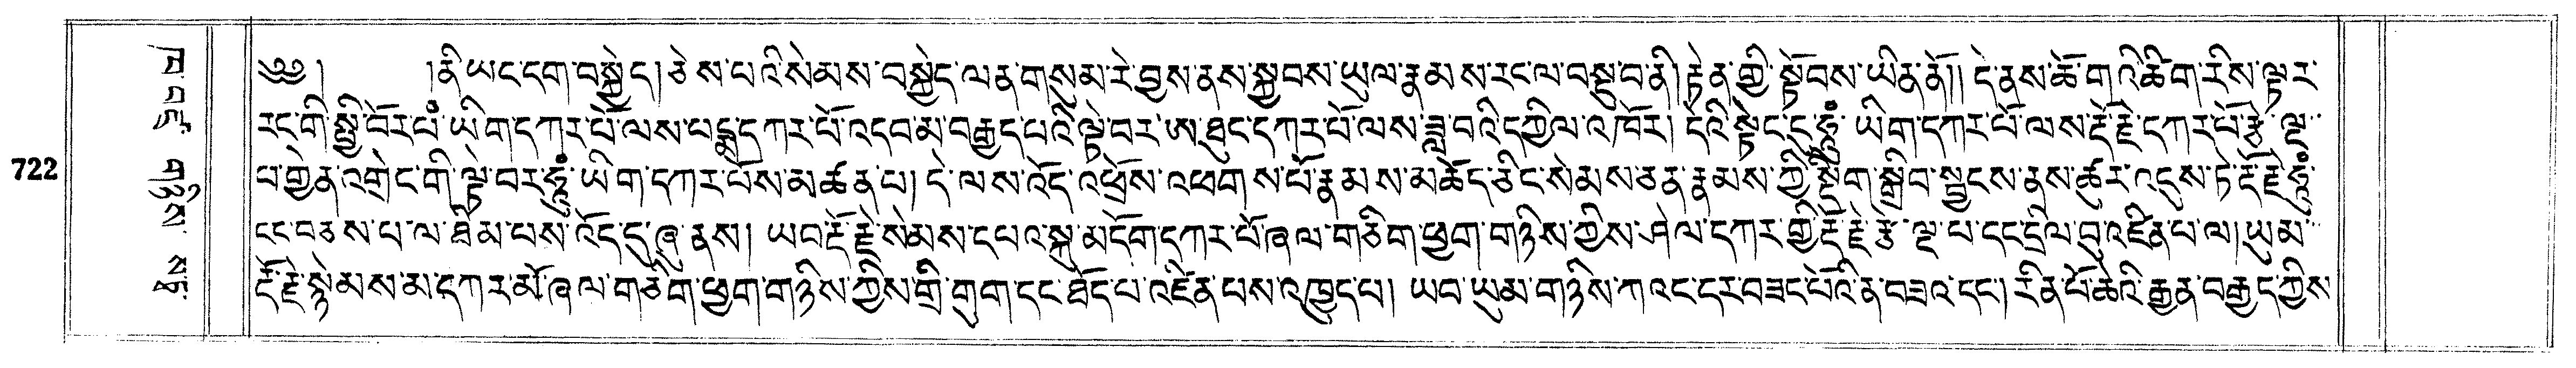༄༅། །ནི་ཡང་དག་བསྐྱེད། ཅེས་པའི་སེམས་བསྐྱེད་ལན་གསུམ་རེ་བྱས་ནས་སྐྱབས་ཡུལ་རྣམས་རང་ལ་བསྡུ་བ་ནི། རྟེན་གྱི་སྟོབས་ཡིན་ནོ། །དེ་ནས་ཆོ་གའི་ཚིག་རིས་ལྟར་
རང་གི་སྤྱི་བོར་པཾ་ཡིག་དཀར་པོ་ལས་པདམ་དཀར་པོ་འདབ་མ་བརྒྱད་པའི་ལྟེ་བར་ཨ་ཐུང་དཀར་པོ་ལས་ཟླ་བའི་དཀྱིལ་འཁོར། དེའི་སྟེང་དུ་ཧཱུཾ་ཡིག་དཀར་པོ་ལས་རྡོ་རྗེ་དཀར་པོ་རྩེ་ལྔ་
པ་གྱེན་འགྲེང་གི་ལྟེ་བར་ཧཱུཾ་ཡིག་དཀར་པོས་མཚན་པ། དེ་ལས་འོད་འཕྲོས་འཕགས་པོ་རྣམས་མཆོད་ཅིང་སེམས་ཅན་རྣམས་ཀྱི་སྡིག་སྒྲིབ་སྦྱངས་ནས་ཚུར་འདུས་ཏེ་རྡོ་རྗེ་ཧཱུཾ་
དང་བཅས་པ་ལ་ཐིམ་པས་འོད་དུ་ཞུ་ནས། ཡབ་རྡོ་རྗེ་སེམས་དཔའ་སྐུ་མདོག་དཀར་པོ་ཞལ་གཅིག་ཕྱག་གཉིས་ཀྱིས་ཤེལ་དཀར་གྱི་རྡོ་རྗེ་རྩེ་ལྔ་པ་དང་དྲིལ་བུ་འཛིན་པ་ལ། ཡུམ་
རྡོ་རྗེ་སྙེམས་མ་དཀར་མོ་ཞལ་གཅིག་ཕྱག་གཉིས་ཀྱིས་གྲི་གུག་དང་ཐོད་པ་འཛིན་པས་འཁྱུད་པ། ཡབ་ཡུམ་གཉིས་ཀའང་དར་བཟང་པོའི་ན་བཟའ་དང་། རིན་པོ་ཆེའི་རྒྱན་བརྒྱད་ཀྱིས་